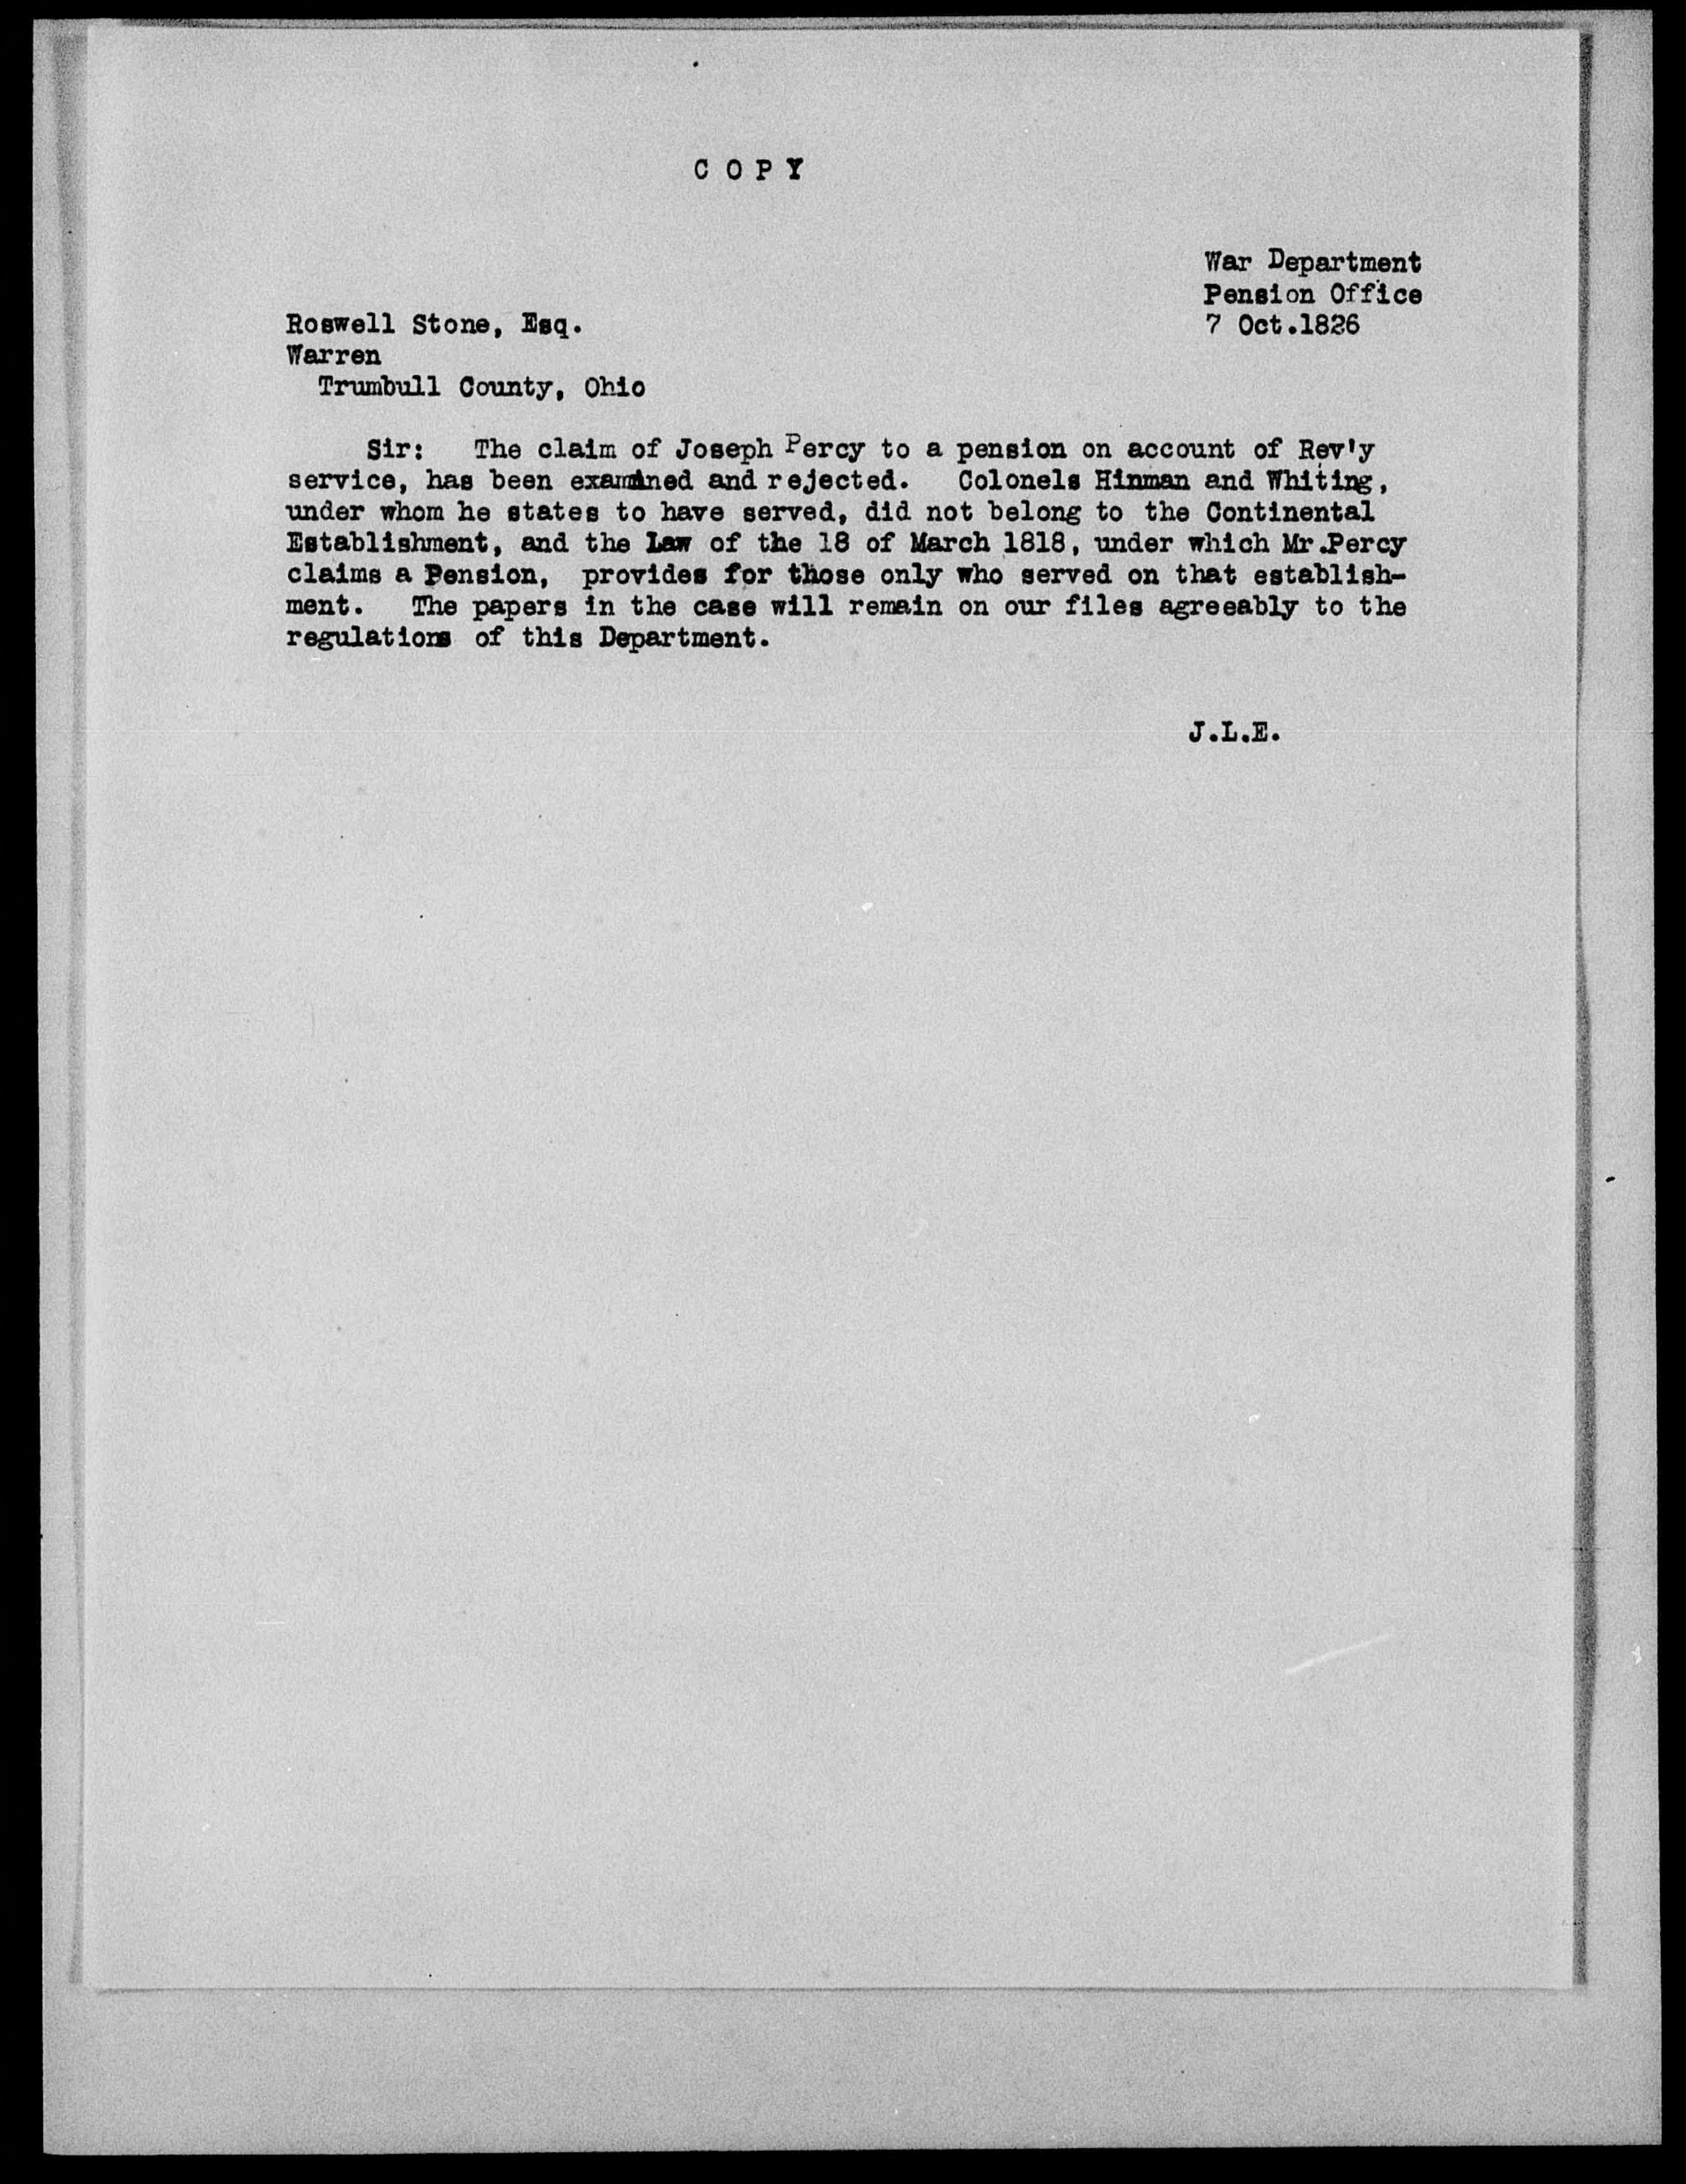COPY

Roswell Stone, Esq.                War Department
Warren                                   Pension Office
  Trumbull County, Ohio         7 Oct. 1826

   Sir:  The claim of Joseph Percy to a pension on account of Rev'y service, has been examined and rejected.  Colonels Hinman and Whiting, under whom he states to have served, did not belong to the Continental Establishment, and the Law of the 18 of March 1818, under which Mr. Percy claims a Pension, provides for those only who served on that establishment.  The papers in the case will remain on our files agreeably to the regulations of this Department.

                                               J.L.E.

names: Roswell Stone; Joseph Percy; [BLANK] Hinman; [BLANK] Whiting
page: 17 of 20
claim: rejected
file: R. 17029, for Joseph Percy, Connecticut